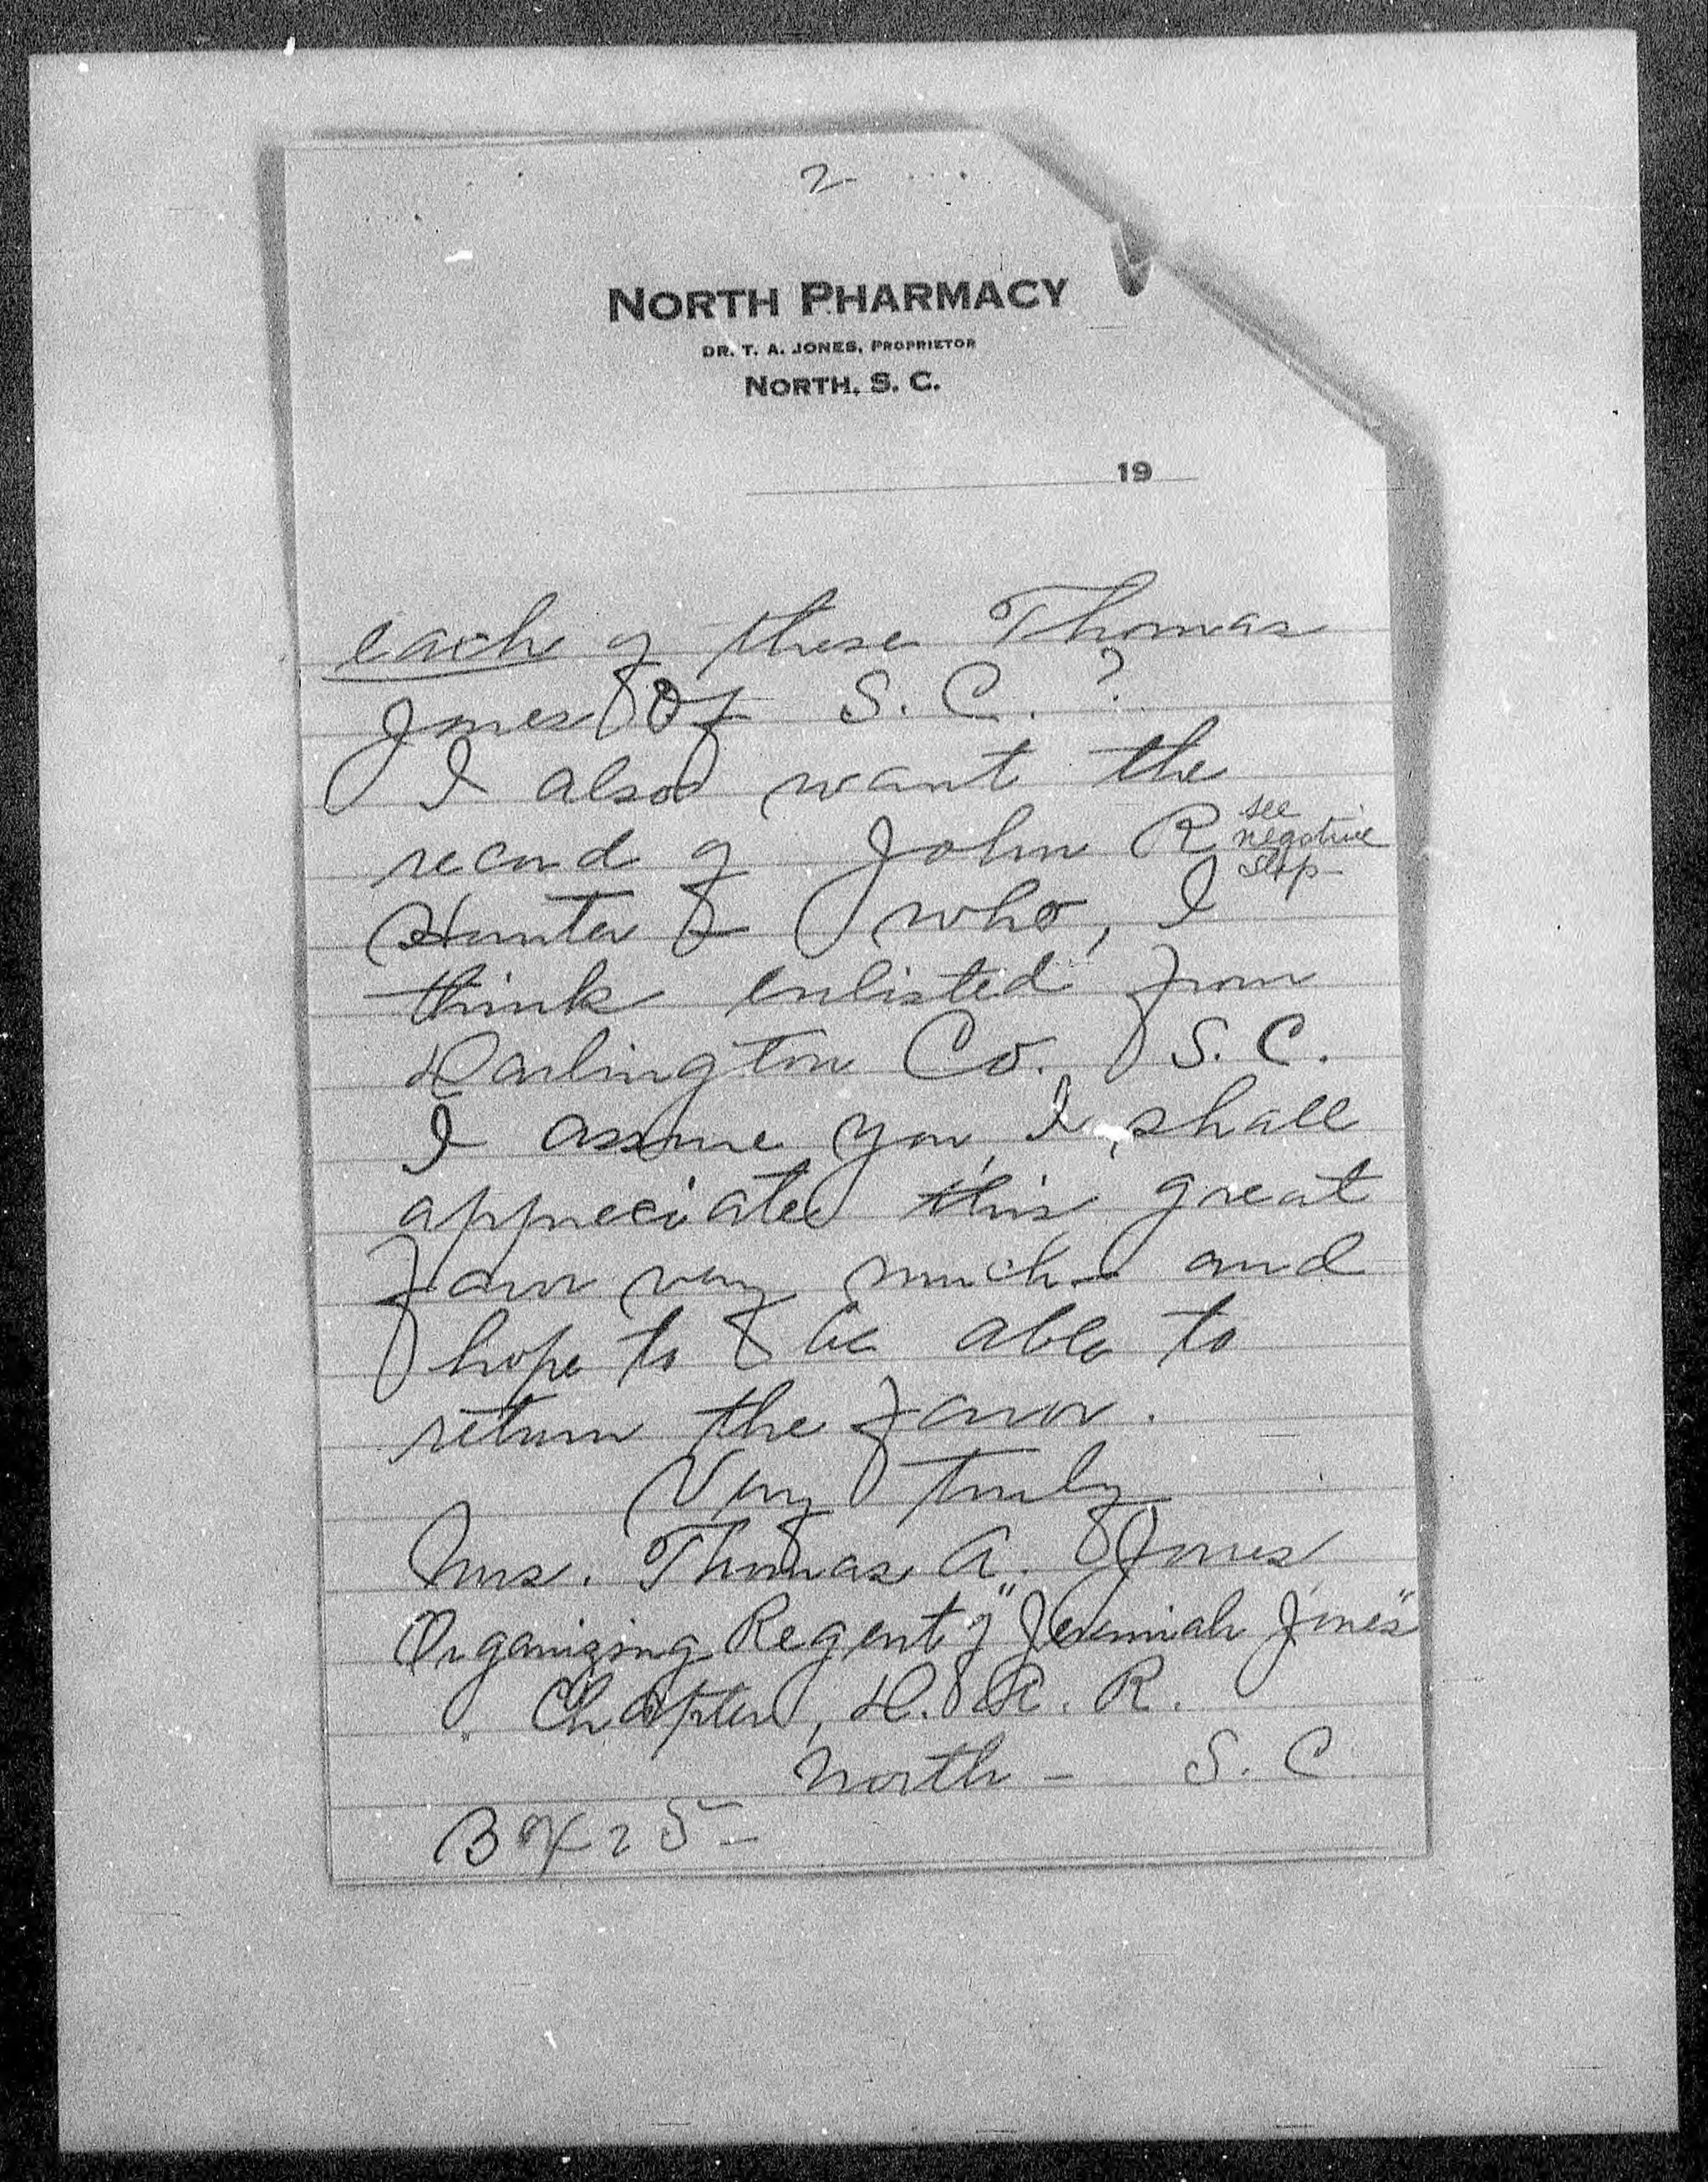NORTH PHARMACY
Dr. T. A. Jones, Proprietor
NORTH, S.C.

each of these Thomas
Jones of S.C.?
I also want the 
record of John R (see negative strip)
Hunter who I 
think enlisted from
Darlington Co. S.C.
I assure you, I shall 
appreciate this great
favor very much and 
hope to be able to 
return the favor.
Very truly
Mrs. Thomas A. Jones
Organizing Regent of "Jeremiah Jones"
Chapter D.A.R.
North, S.C.
Box 25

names: Thomas Jones; T A Jones; John R Hunter; Jeremiah Jones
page: 43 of 45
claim: widow's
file: W. 26160, for Thomas C Jones, Georgia